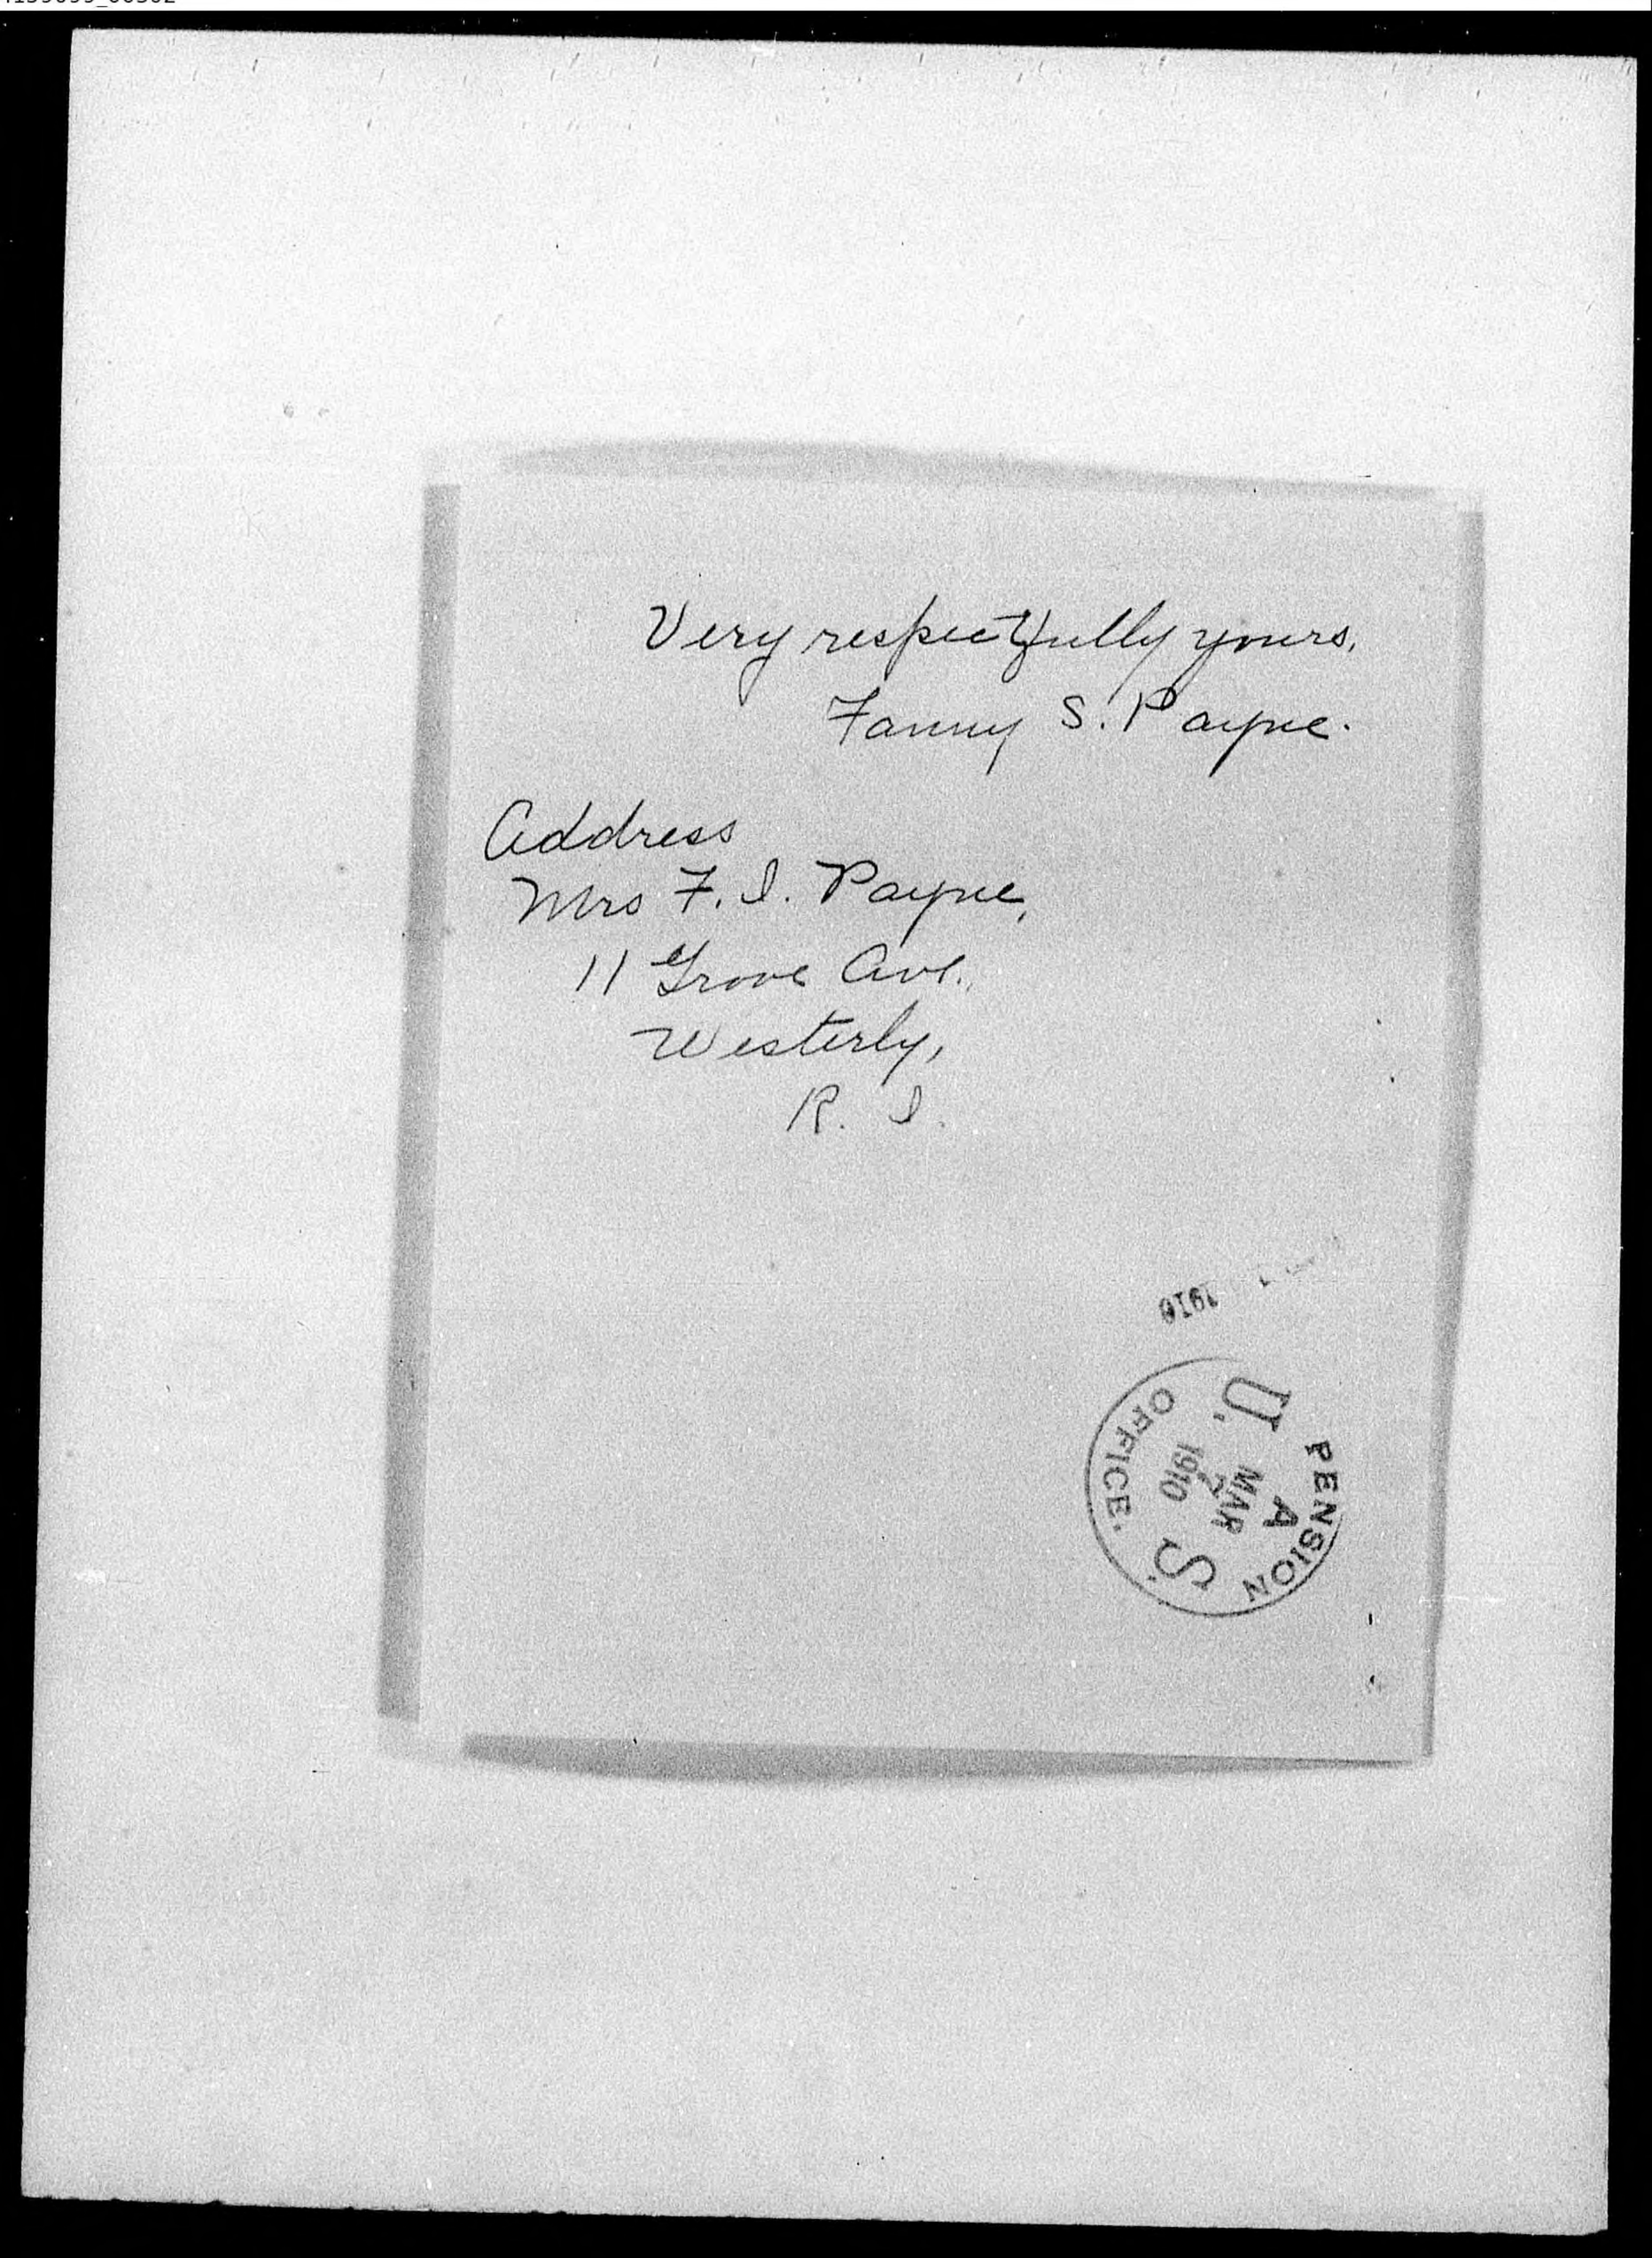Very Respectfully Yours,
Fanny S. Payne
Address
Mrs. F.I. Payne
11 Grove Ave
Westerly, R. I.
[seal]

Pension 
A
U.S.
Mar 7 1910
Office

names: F J Payne, Fanny S Payne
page: 19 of 27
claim: survivor's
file: S. 21,245, David Greene, R.I.